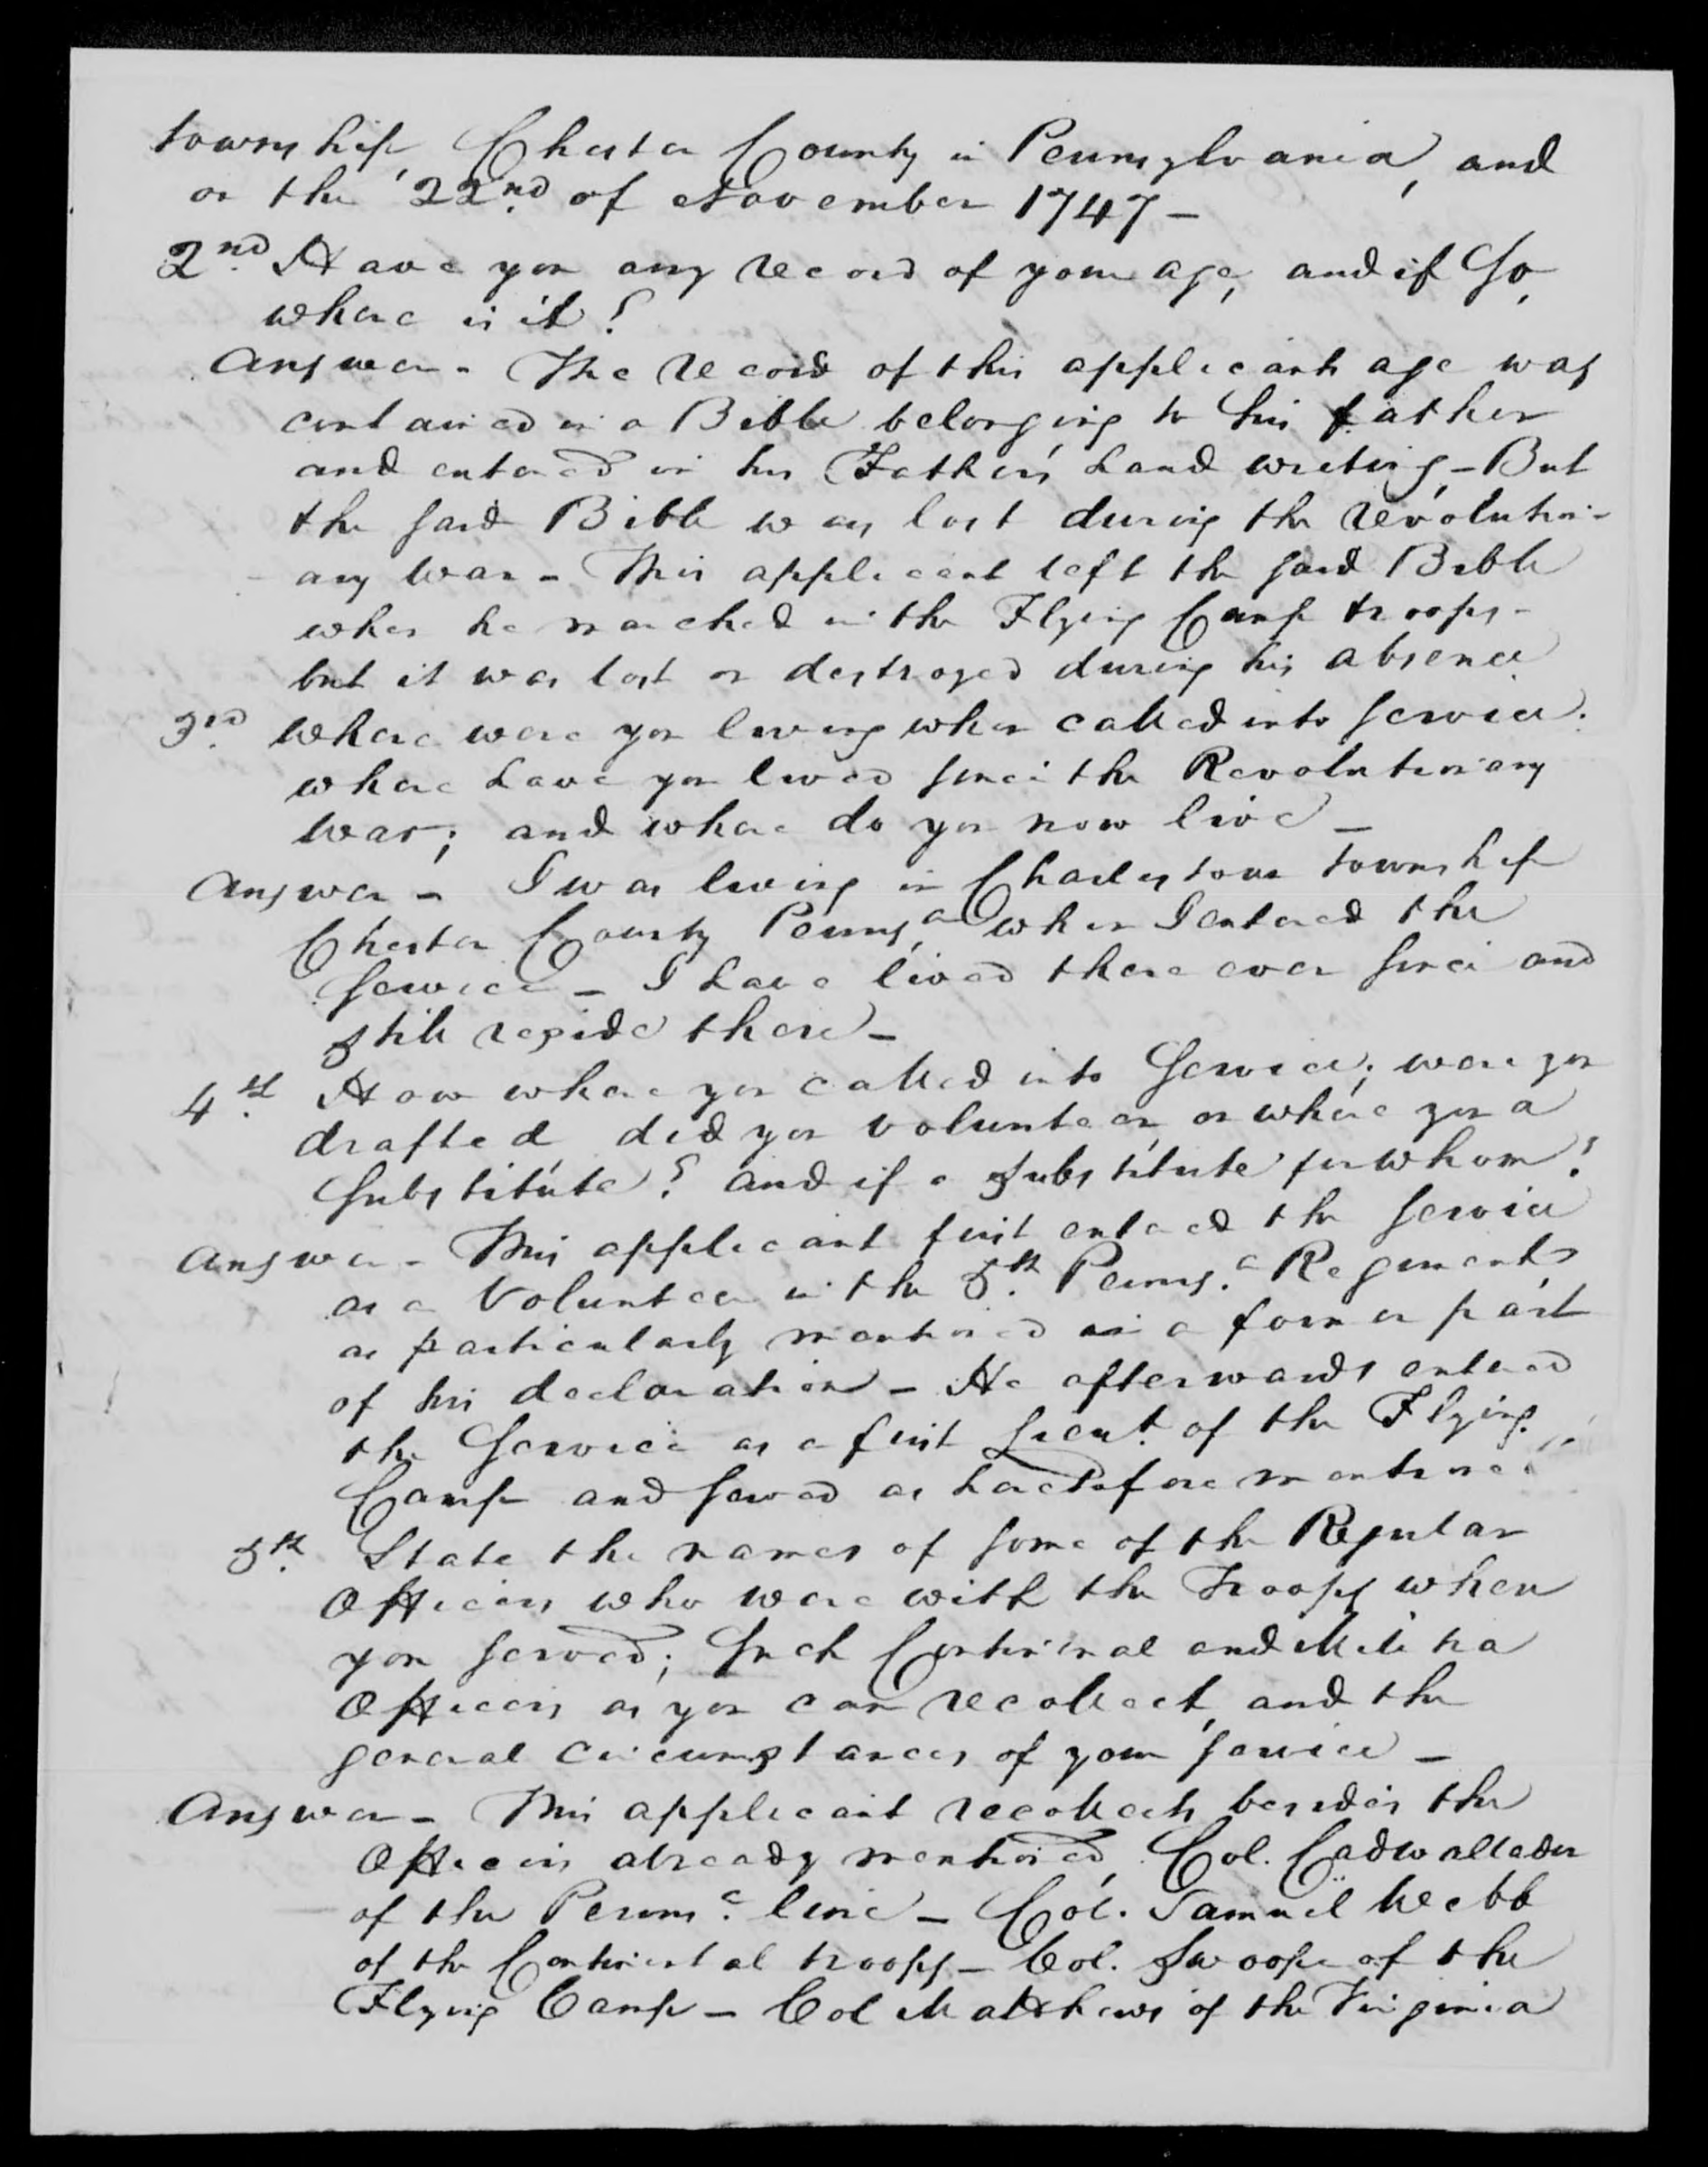township Chester County in Pennsylvania and
of the 22nd of November 1747-
2nd Have you any record of your age, and if so
where is it? 
Answer. The record of this applicants age was
contained in a Bible belonging to his father
and entered in his Father's handwriting - But
the said Bible was lost during the revolutionary war - this applicant left the said Bible
when he marched in the Flying Camp troops
but it was lost or destroyed during his absence
3rd. where were you living when called into service.
where have you lived since the Revolutionary war;  and where do you now live-
Answer - I was living in Charleston township
Chester County Pennsa. when I entered the
Service -  I have lived there ever since and still reside there - 
4th. How where you called into service; were you
drafted did you volunteer or were you a
Substitute? and if a Substitute for whom?
Answer. This applicant first entered the service
as a volunteer in the 5th Pennsa. Regiment
as particularly mentioned in a former part of
his declaration. He afterwards entered
the service as a first Lieut. of the Flying
Camp and served as before mentioned
5th. State the names of some of the Regular
Officers who were with the Troops when
you served; Such Continental and Milita
Officers as you can recollect, and the
general circumstances of your service-
Answer. This applicant recollects besides the
Officers already mentioned Col. Cadwallader of the Pennsa. line - Col. Samuel Webb
of the Continental troops - Col Swoope of the
Flying Camp - Col Matthews of the Virginia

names: Samuel Webb, Swoope, Cadwallader, Matthews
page: 5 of 57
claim: survivor's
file: S. 2161, Hezekiah Davies, Penn